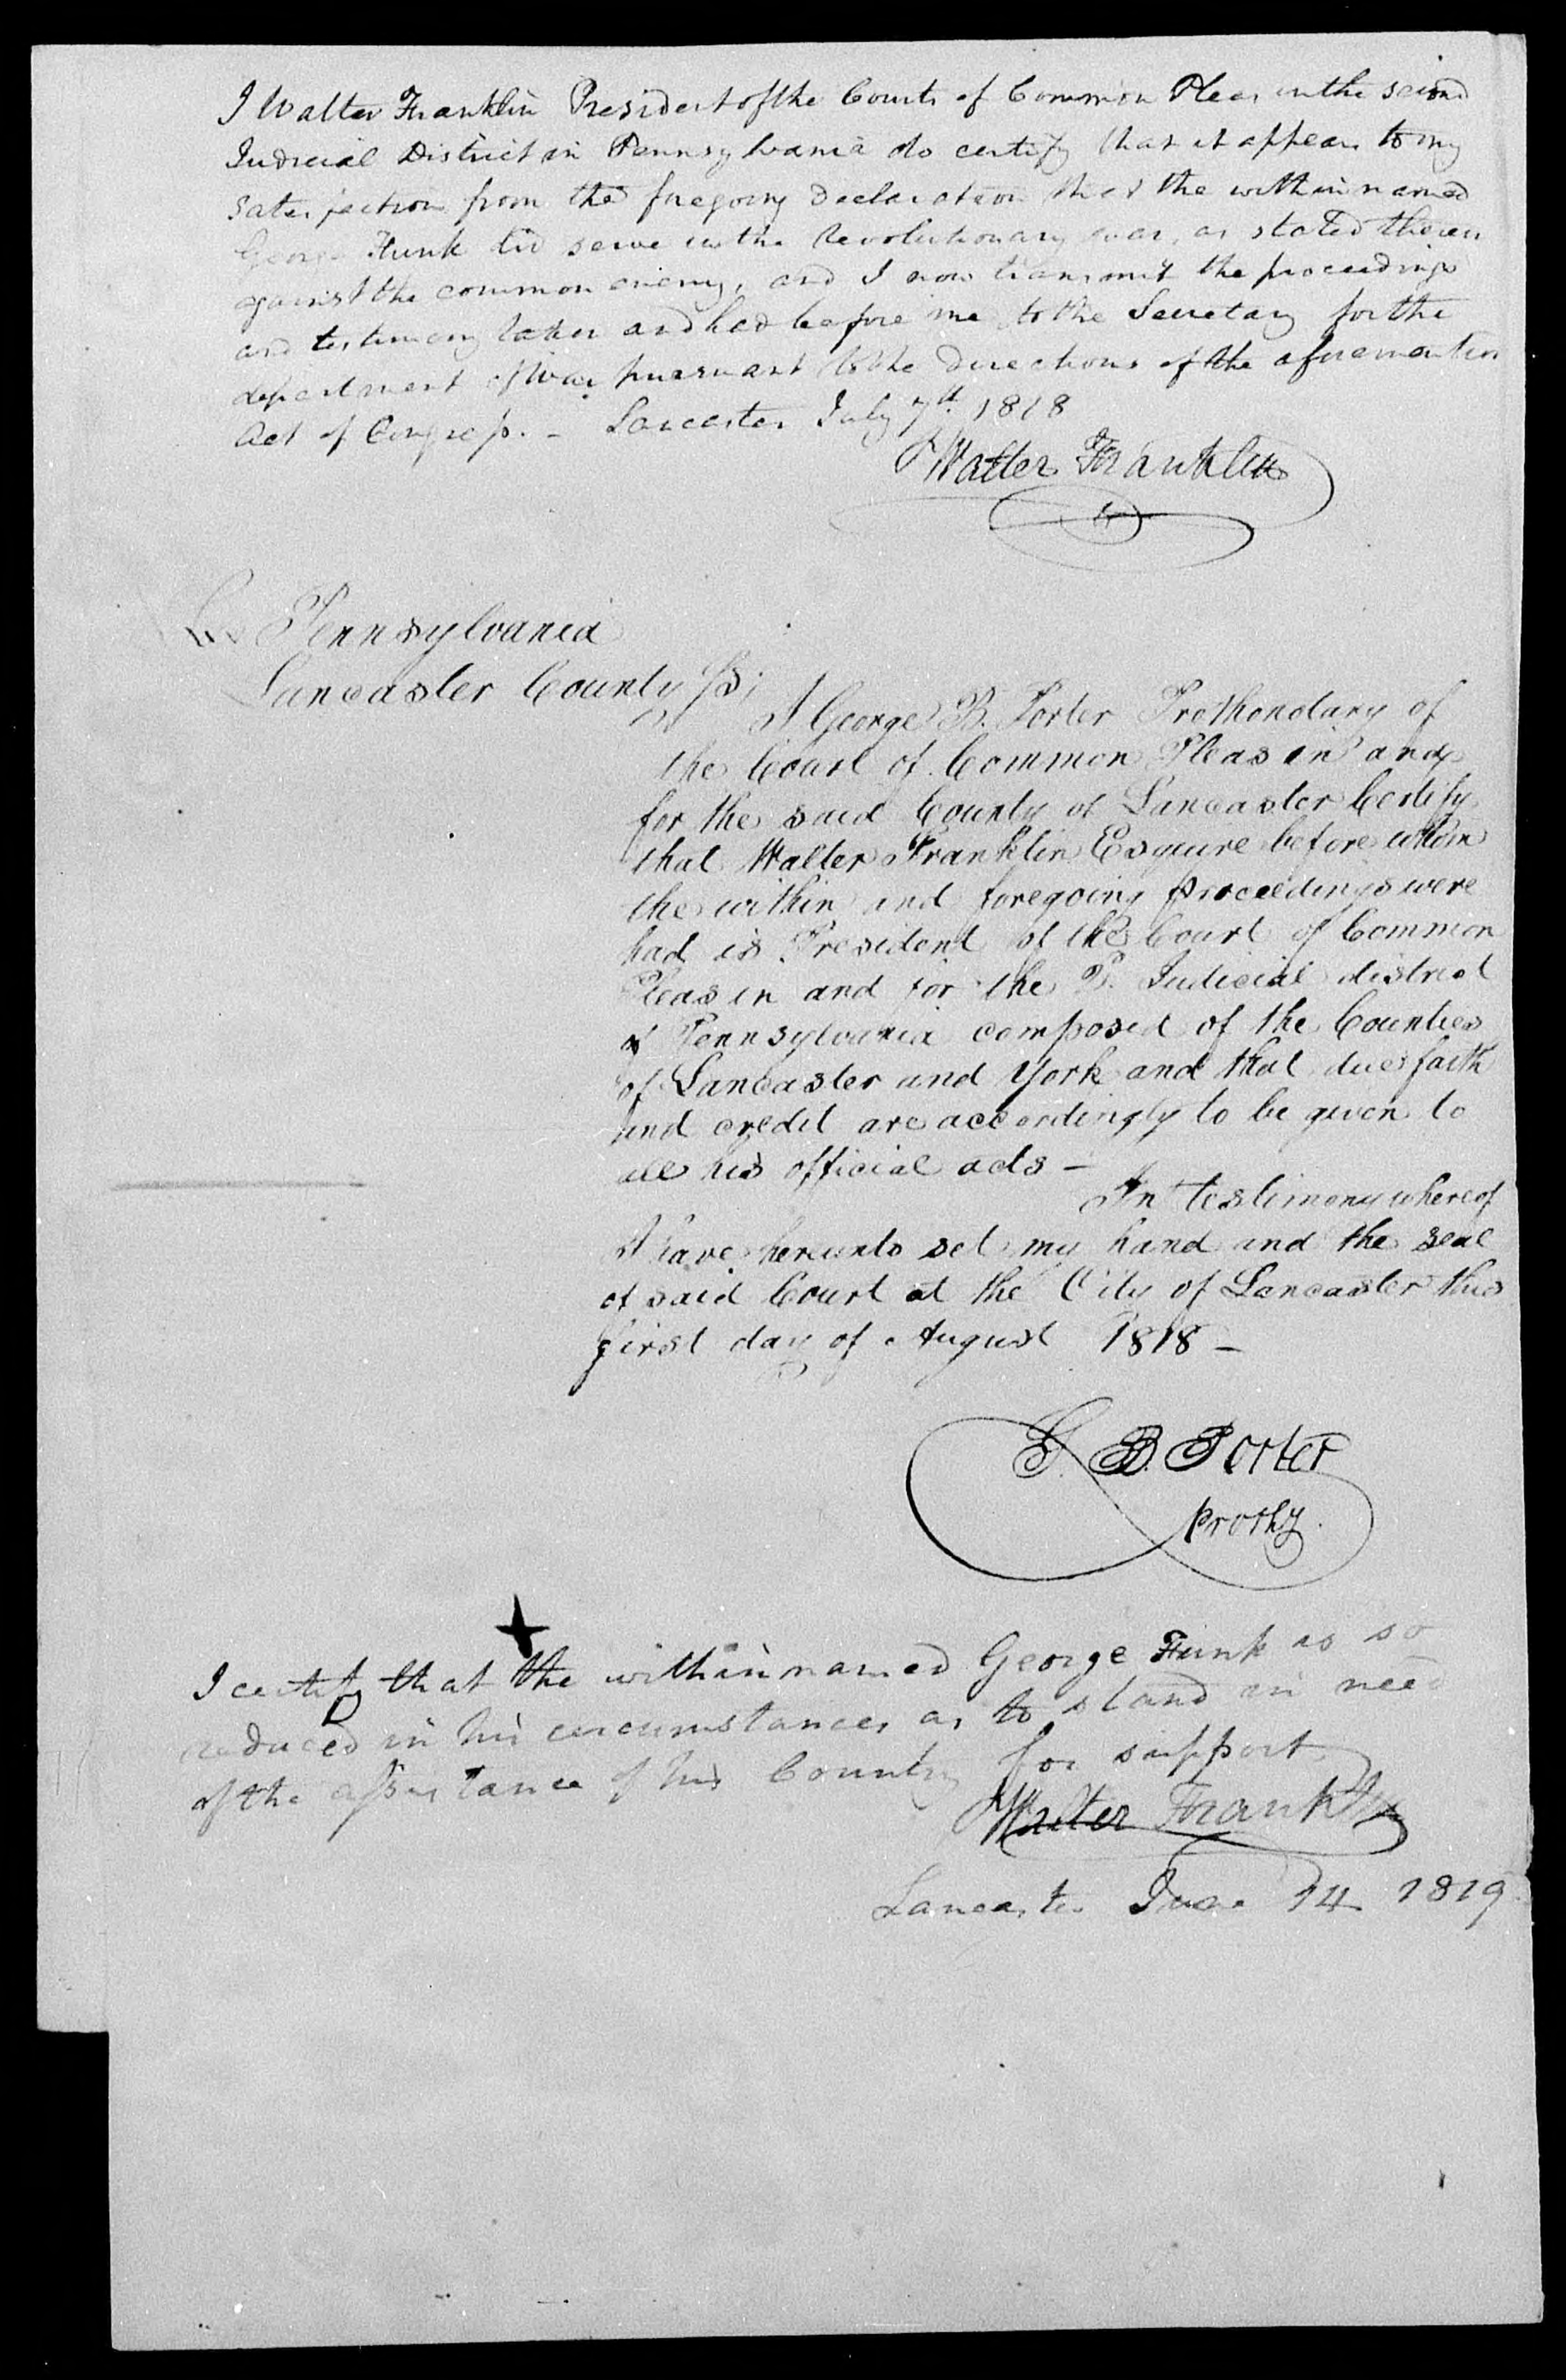I, Walter Franklin, President of the Court of Common Pleas in the second Judicial District in Pennsylvania, do certify that it appears to my satisfaction from the foregoing declaration that the within named George Funk did serve in the Revolutionary war as stated therein, against the common enemy; and I now transmit the proceedings and testimony taken and had before me to the Secretary for the Department of War, pursuant to the directions of the aforementioned Act of Congress. Lancaster, July 7th 1818.
Walter Franklin
Pennsylvania
Lancaster County, SS.
I, George B. Porter, Prothonotary of the Court of Common Pleas in and for the said County of Lancaster, certify that Walter Franklin, Esquire, before whom the within and foregoing proceedings were had, is President of the Court of Common Pleas in and for the 2d Judicial district of Pennsylvania composed of the Counties of Lancaster and York and that due faith and credit are accordingly to be given to all his official acts.
In testimony whereof, I have hereunto set my hand and the seal of said Court at the City of Lancaster this first day of August 1818.
G. B. Porter
Prothonotary
I certify that the within named George Funk is so reduced in his circumstances as to stand in need of the assistance of his country for support.
Walter Franklin
Lancaster June 14 1819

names: George B Porter, Walter Franklin, George Funk, Walter Franklin, G B Porter, Walter Franklin, George Funk, Walter Franklin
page: 9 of 11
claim: survivor's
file: S. 41553, George Funk, Continental (German Regiment)